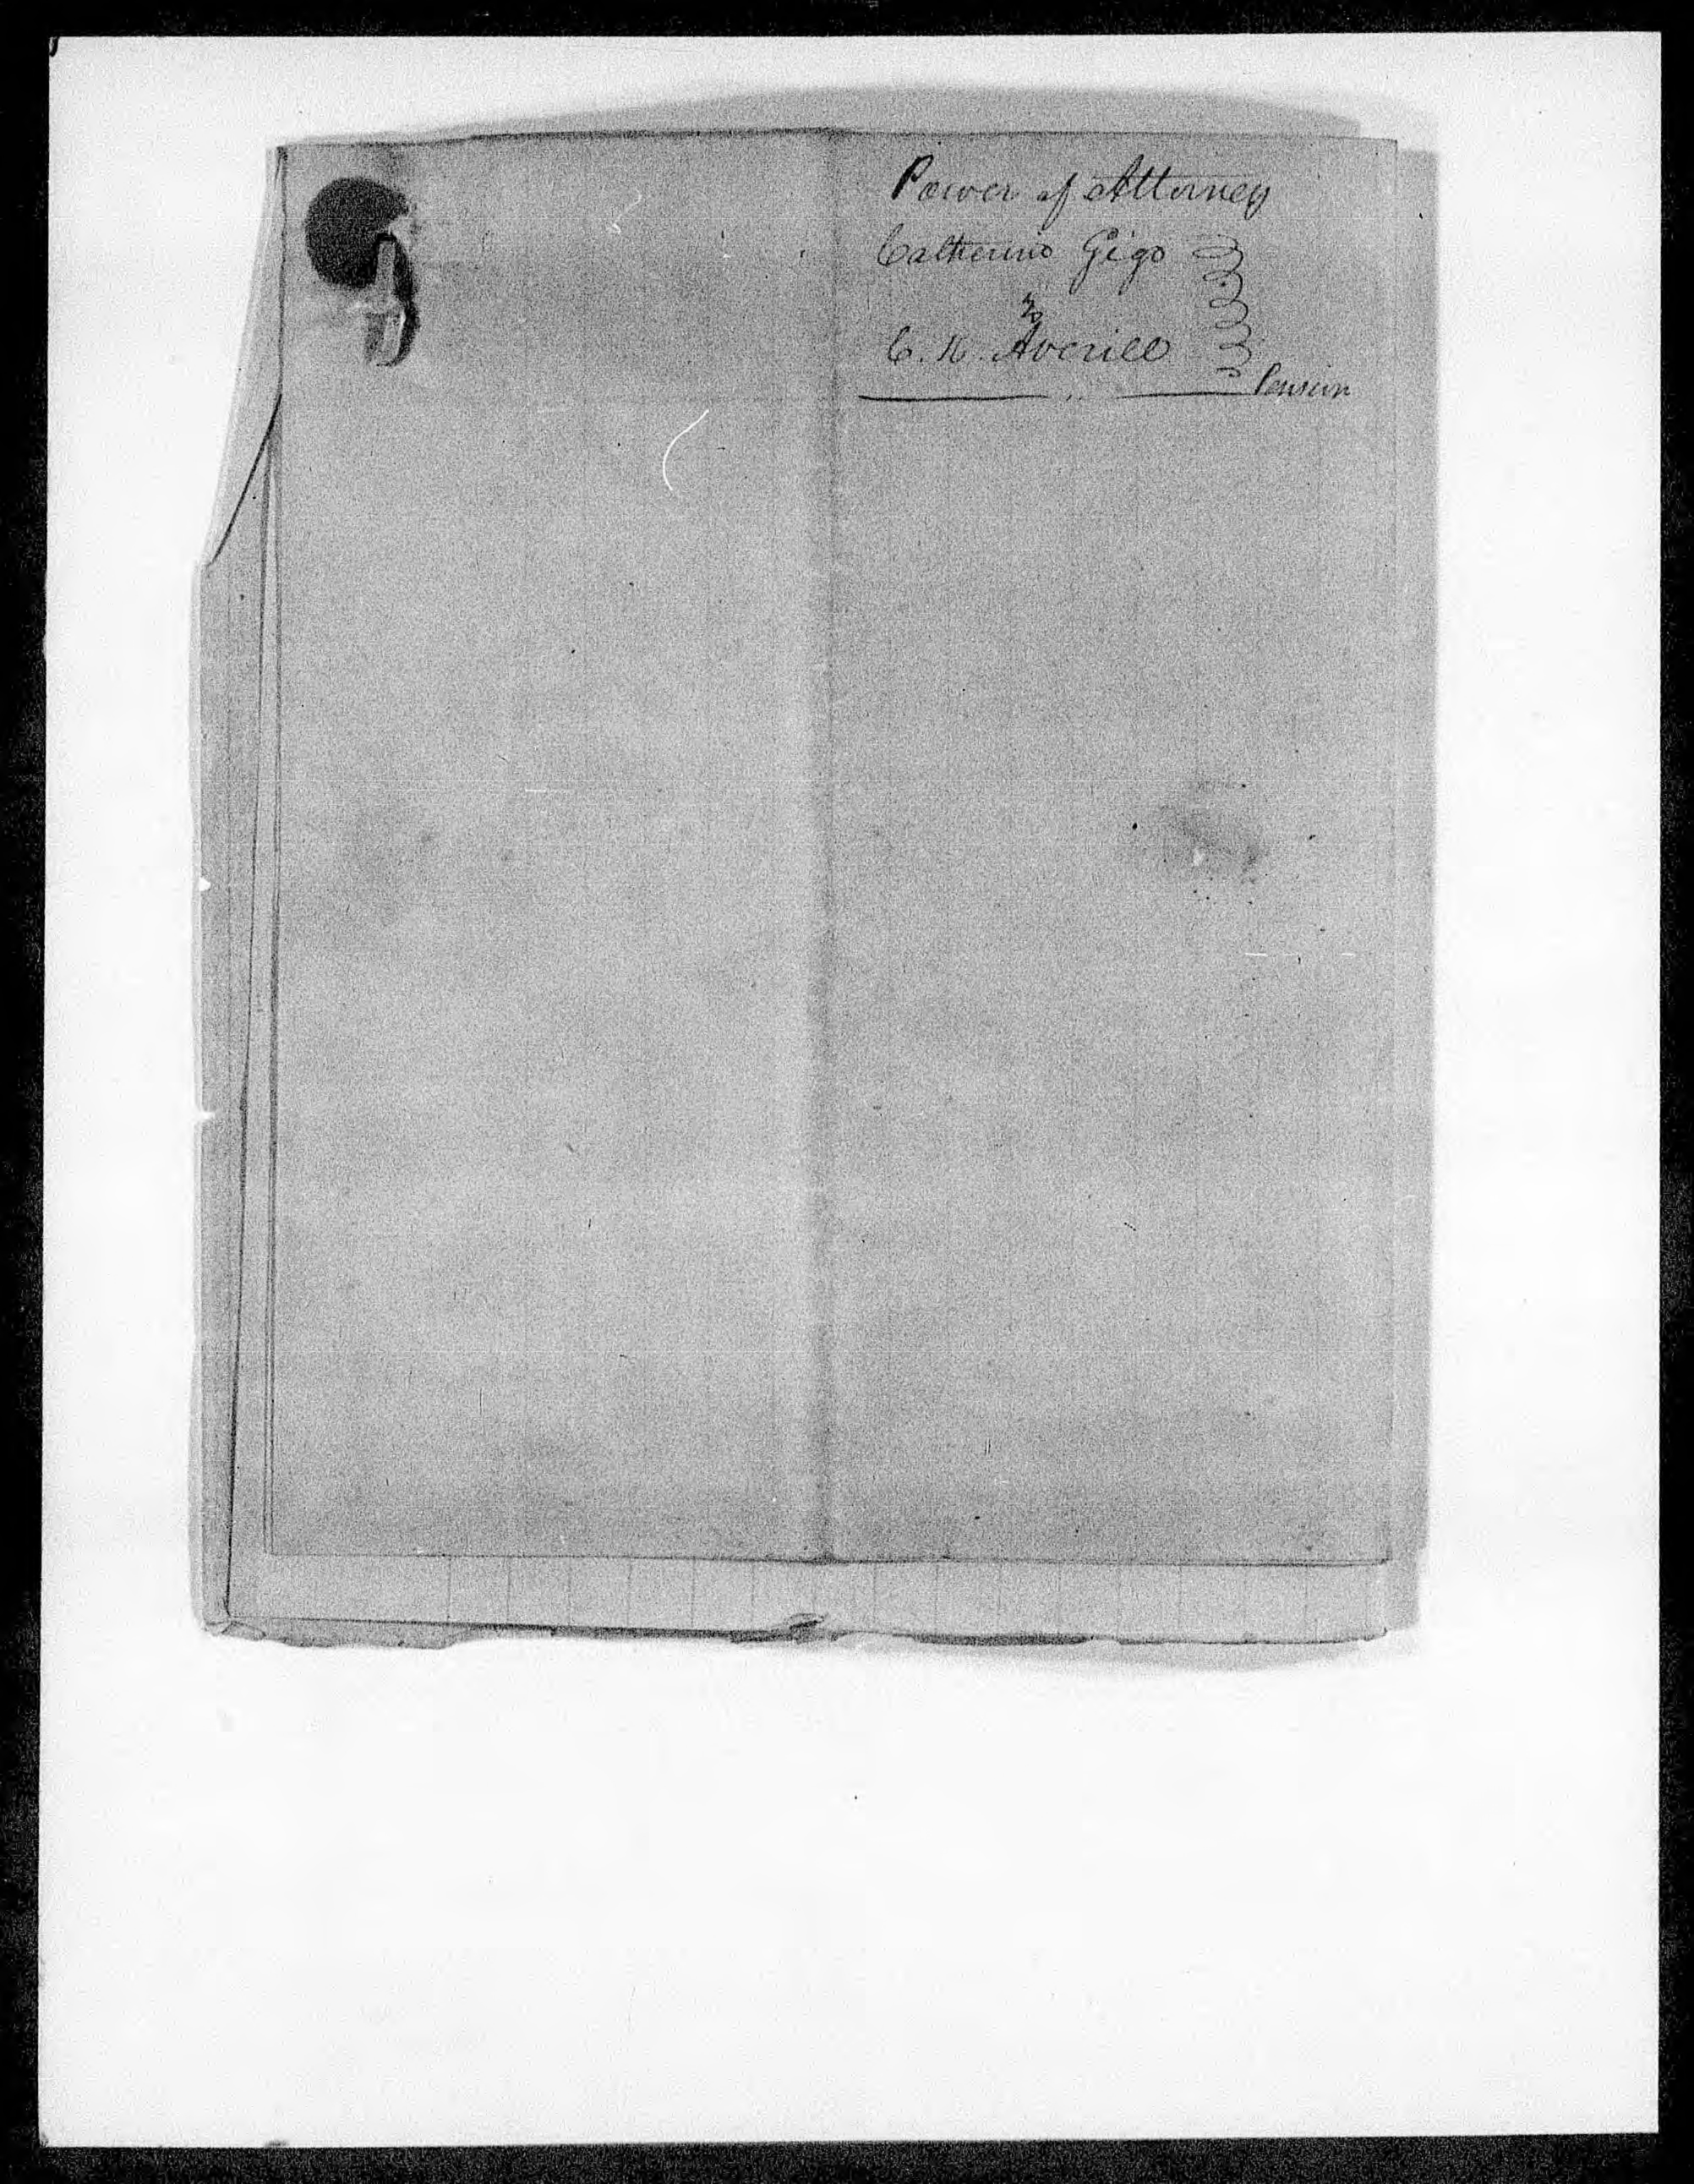Power of Attorney
Catharine Gigo
C. H. Avrill
Pension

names: Catherine Gigo, C K Averill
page: 50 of 98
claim: widow's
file: W. 21182, Francis Gigo, Continental (Canadian)